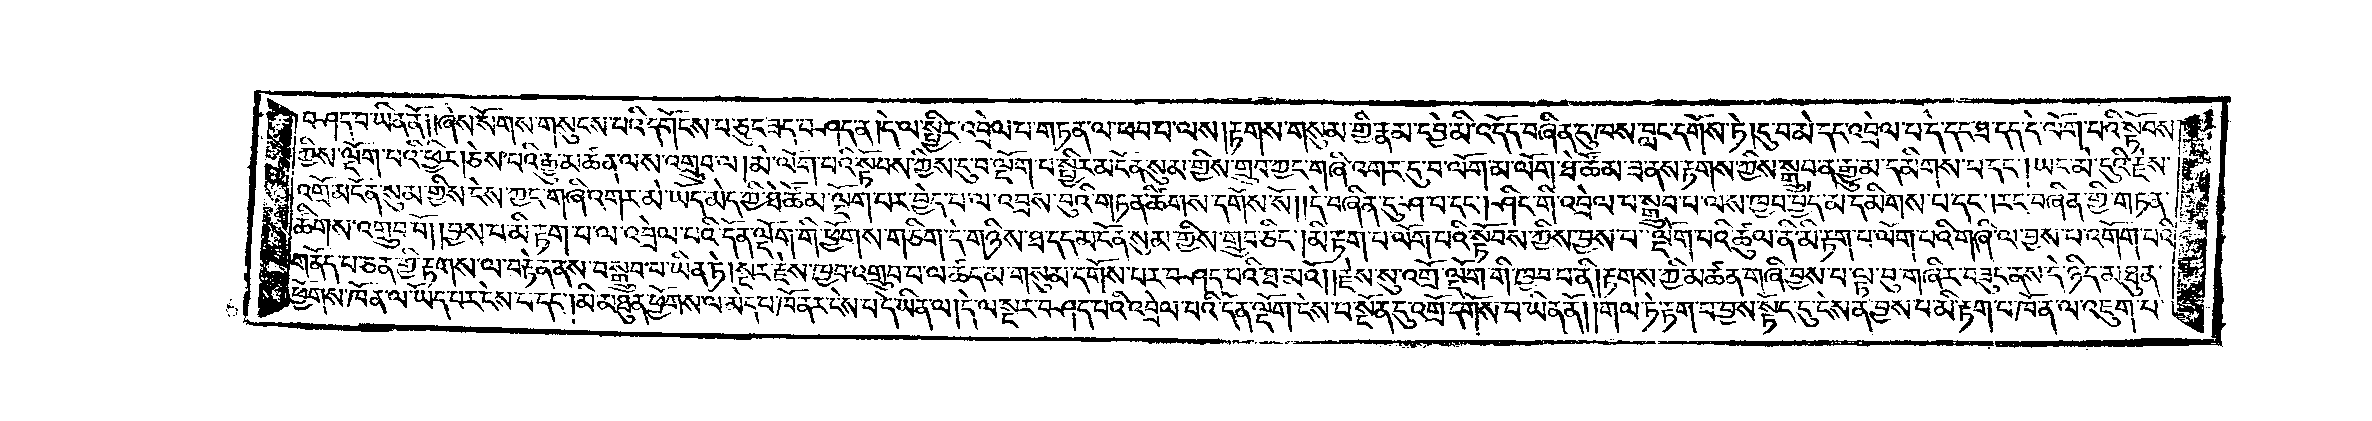བཤད་པ་ཡིན་ནོ། །ཞེས་སོགས་གསུངས་པའི་དགོངས་པ་ཅུང་ཟད་བཤད་ན། དེ་ལ་སྤྱིར་འབྲེལ་པ་གཏན་ལ་ཕབ་པ་ལས། རྟགས་གསུམ་གྱི་རྣམ་དབྱེ་མི་འདོད་བཞིན་དུ་ཁས་བླང་དགོས་ཏེ། དུ་བ་མེ་དང་འབྲེལ་པ་དེ་དང་ཐ་དད་དེ་ལོག་པའི་སྟོབས་
ཀྱིས་ལྡོག་པའི་ཕྱིར། ཅེས་པའི་རྒྱུ་མཚན་ལས་འགྲུབ་ལ། མེ་ལོག་པའི་སྟོབས་ཀྱིས་དུ་བ་ལྡོག་པ་སྤྱིར་མངོན་སུམ་གྱིས་གྲུབ་ཀྱང་གཞི་འགར་དུ་བ་ལོག་མ་ལོག་ཐེ་ཚོམ་ཟ་ནས་རྟགས་ཀྱིས་སྒྲུབ་ན་རྒྱུ་མ་དམིགས་པ་དང་། ཡང་མེ་དུའི་རྗེས་
འགྲོ་མངོན་སུམ་གྱིས་ངེས་ཀྱང་གཞི་འགར་མེ་ཡོད་མེད་ཀྱི་ཐེ་ཚོམ་ལྡོག་པར་བྱེད་པ་ལ་འབྲས་བུའི་གཏན་ཚིགས་དགོས་སོ། །དེ་བཞིན་དུ་ཤ་བ་དང་། ཤིང་གི་འབྲེལ་པ་སྒྲུབ་པ་ལས་ཁྱབ་བྱེད་མ་དམིགས་པ་དང་། རང་བཞིན་གྱི་གཏན་
ཚིགས་འགྲུབ་བོ། །བྱས་པ་མི་རྟག་པ་ལ་འབྲེལ་པའི་དོན་ལྡོག་གི་ཕྱོགས་གཅིག་དེ་གཉིས་ཐ་དད་མངོན་སུམ་གྱིས་གྲུབ་ཅིང་། མི་རྟག་པ་ལོག་པའི་སྟོབས་ཀྱིས་བྱས་པ་ལྡོག་པའི་ཚུལ་ནི་མི་རྟག་པ་ལོག་པའི་གཞི་ལ་བྱས་པ་འགོག་པའི་
གནོད་པ་ཅན་གྱི་རྟགས་ལ་བརྟེན་ནས་བསྒྲུབ་པ་ཡིན་ཏེ། སྔར་རྗེས་ཁྱབ་འགྲུབ་པ་ལ་ཚད་མ་གསུམ་དགོས་པར་བཤད་པའི་ཐ་མའོ། །རྗེས་སུ་འགྲོ་ལྡོག་གི་ཁྱབ་པ་ནི། རྟགས་ཀྱི་མཚན་གཞི་བྱས་པ་ལྟ་བུ་གཞིར་བཟུང་ནས་དེ་ཉིད་མཐུན་
ཕྱོགས་ཁོ་ན་ལ་ཡོད་པར་ངེས་པ་དང་། མི་མཐུན་ཕྱོགས་ལ་མེད་པ་ཁོ་ནར་ངེས་པ་དེ་ཡིན་ལ། དེ་ལ་སྔར་བཤད་པའི་འབྲེལ་པའི་དོན་ལྡོག་ངེས་བ་སྔོན་དུ་འགྲོ་དགོས་པ་ཡིན་ནོ། །གལ་ཏེ་རྟག་པ་བྱས་སྟོང་དུ་ངེས་ན་བྱས་པ་མི་རྟག་པ་ཁོ་ན་ལ་འཇུག་པ་